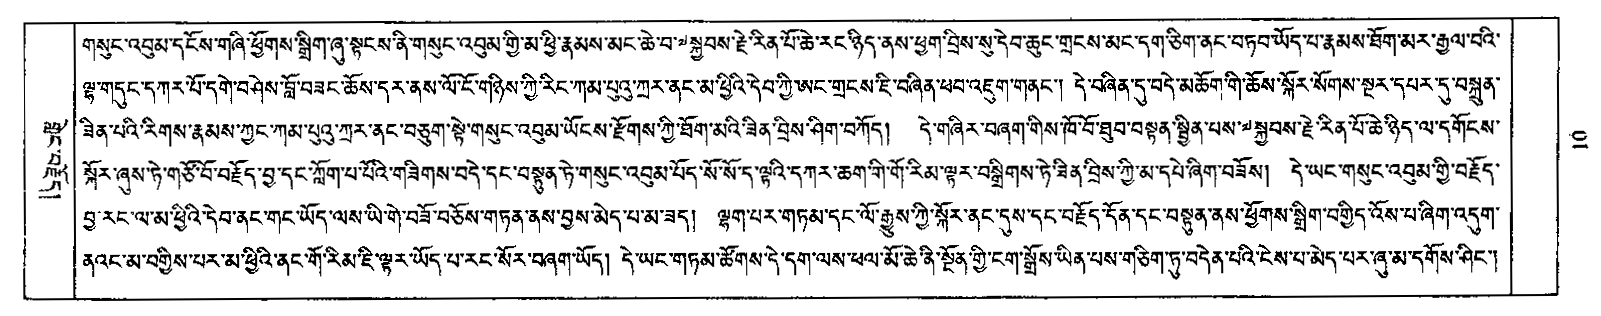གསུང་འབུམ་དངོས་གཞི་ཕྱོགས་སྒྲིག་ཞུ་སྟངས་ནི་གསུང་འབུམ་གྱི་མ་ཕྱི་རྣམས་མང་ཆེ་བ་༧་སྐྱབས་རྗེ་རིན་པོ་ཆེ་རང་ཉིད་ནས་ཕྱག་བྲིས་སུ་དེབ་ཆུང་གྲངས་མང་དག་ཅིག་ནང་བཏབ་ཡོད་པ་རྣམས་ཐོག་མར་རྒྱལ་བའི་
ལྷ་གདུང་དཀར་པོ་དགེ་བཤེས་བློ་བཟང་ཆོས་དར་ནས་ལོ་ངོ་གཉིས་ཀྱི་རིང་ཀམ་པུའུ་ཀྲར་ནང་མ་ཕྱིའི་དེབ་ཀྱི་ཨང་གྲངས་ཇི་བཞིན་ཕབ་འཇུག་གནང་། དེ་བཞིན་དུ་བདེ་མཆོག་གི་ཆོས་སྐོར་སོགས་སྔར་དཔར་དུ་བསྐྲུན་
ཟིན་པའི་རིགས་རྣམས་ཀྱང་ཀམ་པུའུ་ཀྲར་ནང་བཅུག་སྟེ་གསུང་འབུམ་ཡོངས་རྫོགས་ཀྱི་ཐོག་མའི་ཟིན་བྲིས་ཤིག་བཀོད། དེ་གཞིར་བཞག་གིས་ཁོ་བོ་ཐུབ་བསྟན་སྦྱིན་པས་༧་སྐྱབས་རྗེ་རིན་པོ་ཆེ་ཉིད་ལ་དགོངས་
སྐོར་ཞུས་ཏེ་གཙོ་བོ་བརྗོད་བྱ་དང་ཀློག་པ་པོའི་གཟིགས་བདེ་དང་བསྟུན་ཏེ་གསུང་འབུམ་པོད་སོ་སོ་ད་ལྟའི་དཀར་ཆག་གི་གོ་རིམ་ལྟར་བསྒྲིགས་ཏེ་ཟིན་བྲིས་ཀྱི་མ་དཔེ་ཞིག་བཟོས། དེ་ཡང་གསུང་འབུམ་གྱི་བརྗོད་
བྱ་རང་ལ་མ་ཕྱིའི་དེབ་ནང་གང་ཡོད་ལས་ཡི་གེ་བཟོ་བཅོས་གཏན་ནས་བྱས་མེད་པ་མ་ཟད། ལྷག་པར་གཏམ་དང་ལོ་རྒྱུས་ཀྱི་སྐོར་ནང་དུས་དང་བརྗོད་དོན་དང་བསྟུན་ནས་ཕྱོགས་སྒྲིག་བགྱིད་འོས་པ་ཞིག་འདུག་
ནའང་མ་བགྱིས་པར་མ་ཕྱིའི་ནང་གོ་རིམ་ཇི་ལྟར་ཡོད་པ་རང་སོར་བཞག་ཡོད། དེ་ཡང་གཏམ་ཚོགས་དེ་དག་ལས་ཕལ་མོ་ཆེ་ནི་སྔོན་གྱི་ངག་སྒྲོས་ཡིན་པས་གཅིག་ཏུ་བདེན་པའི་ངེས་པ་མེད་པར་ཞུ་མ་དགོས་ཤིང་།